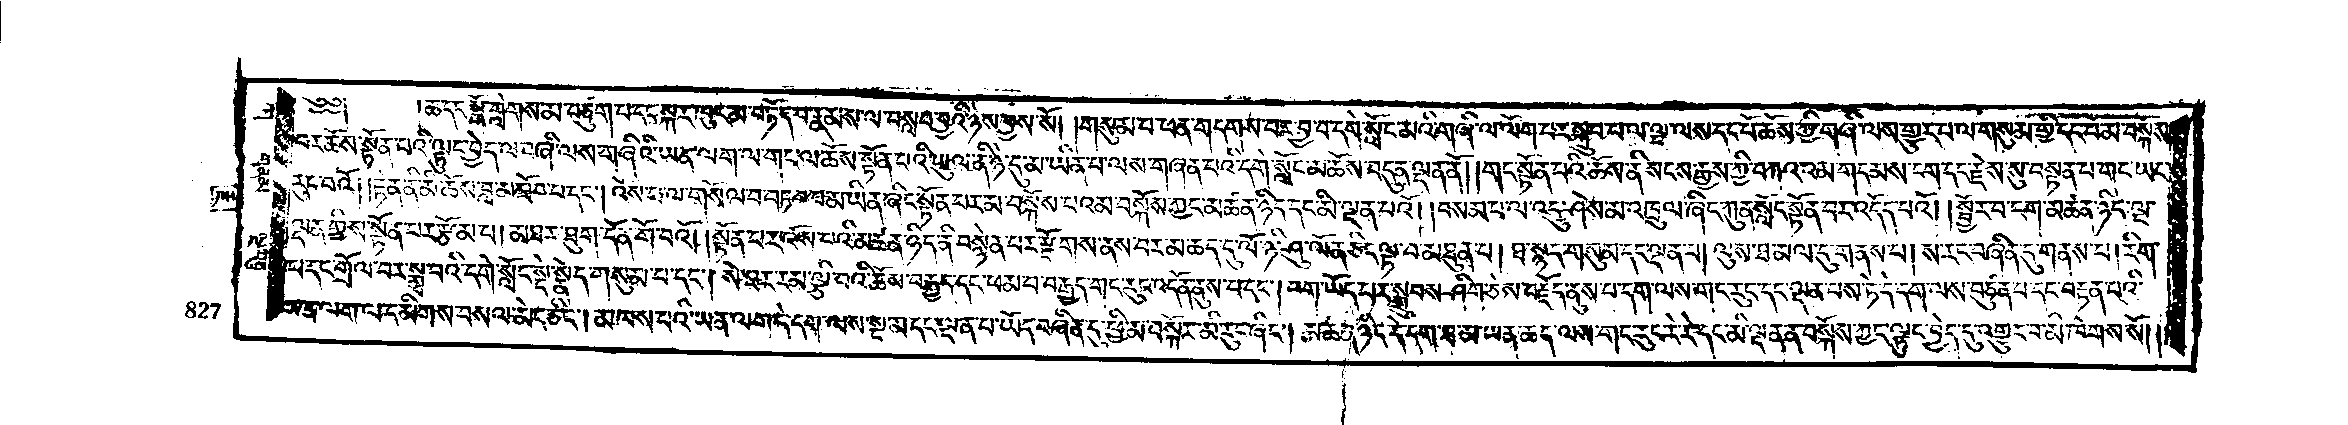༄༅། །ཆ་དང་སྒོ་གླེགས་མ་བཙུག་པ་དང་སྐར་ཁུང་མ་བཏོད་པ་རྣམས་ལ་བསླབ་བྱའི་ཉེས་བྱས་སོ། །གསུམ་པ་ཕན་གདགས་པར་བྱ་བ་དགེ་སློང་མའི་གཞི་ལ་ལོག་པར་སྒྲུབ་པ་ལ་ལྔ་ལས་དང་པོ་ཆོས་ཀྱི་གཞི་ལས་གྱུར་པ་ལ་གསུམ་གྱི་དང་པོ་མ་བསྐོས་
བར་ཆོས་སྟོན་པའི་ལྟུང་བྱེད་ལ་བཞི་ལས་གཞིའི་ཡན་ལག་ལ་གང་ལ་ཆོས་སྟོན་པའི་ཡུལ་ནི་ཉེ་དུ་མ་ཡིན་པ་ལས་གཞན་པའི་དགེ་སློང་མཆོས་བདུན་ལྡན་ནོ། །གང་སྟོན་པའི་ཆོས་ནི་སངས་རྒྱས་ཀྱི་བཀའ་འམ། གདམས་ངག་དང་རྗེས་སུ་བསྟན་པ་གང་ཡང་
རུང་བའོ། །རྟེན་ནི་མི་ཆོས་བླ་མ་ཐོབ་པ་དང་། འོས་པ་ལ་གསོལ་བ་བཏབ་པ་མ་ཡིན་ཞིང་སྟོན་པར་མ་བསྐོས་པའམ་བསྐོས་ཀྱང་མཚན་ཉིད་དང་མི་ལྡན་པའོ། །བསམ་པ་ལ་འདུ་ཤེས་མ་འཁྲུལ་ཞིང་ཀུན་སློང་སྟོན་པར་འདོད་པའོ། །སྦྱོར་བ་ངག་མཚན་ཉིད་ལྔ་
ལྡན་གྱིས་སྟོན་པར་རྩོམ་པ། མཐར་ཐུག་དོན་གོ་བའོ། །སྟོན་པར་འོས་པའི་མཚན་ཉིད་ནི་བསྙེན་པར་རྫོགས་ནས་བར་མ་ཆད་དུ་ལོ་ཉི་ཤུ་ལོན་ཅིང་ལྟ་བ་མཐུན་པ། ཐ་སྙད་གསུམ་དང་ལྡན་པ། ལུས་ཐ་མལ་དུ་གནས་པ། ས་རང་བཞིན་དུ་གནས་པ། རིག་
པ་དང་གྲོལ་བར་སྨྲ་བའི་དགེ་སློང་སྡེ་སྣོད་གསུམ་པ་དང་། སེ་ཐར་རམ་ལྕི་བའི་ཆོས་བརྒྱད་དང་ཕམ་བ་བརྒྱད་གང་རུང་འདོན་ནུས་པ་དང་། བག་ཡོད་པར་སྒྲུབས་ཤིག་ཅེས་བརྗོད་ནུས་པ་དག་ལས་མགང་རུང་དང་ལྡན་པས་ཏེ་དེ་དག་ལས་བཙུན་པ་དང་བརྟན་པའི་
ཡན་ལག་པ་དམིགས་བསལ་མེད་ཅིང་། མཁས་པའི་ཡན་ལག་དེ་དག་ལས་སྔ་མ་དང་ལྡན་པ་ཡོད་བཞིན་དུ་ཕྱི་མ་བསྐོར་མི་རུང་ཞིང་། མཚན་ཉིད་དེ་དག་ཐ་མ་ཡན་ཆད་ལས་གང་རུང་རེ་རེ་དང་མི་ལྡན་ན་བསྐོས་ཀྱང་ལྟུང་བྱེད་དུ་འགྱུར་བ་མི་ཁེགས་སོ། །